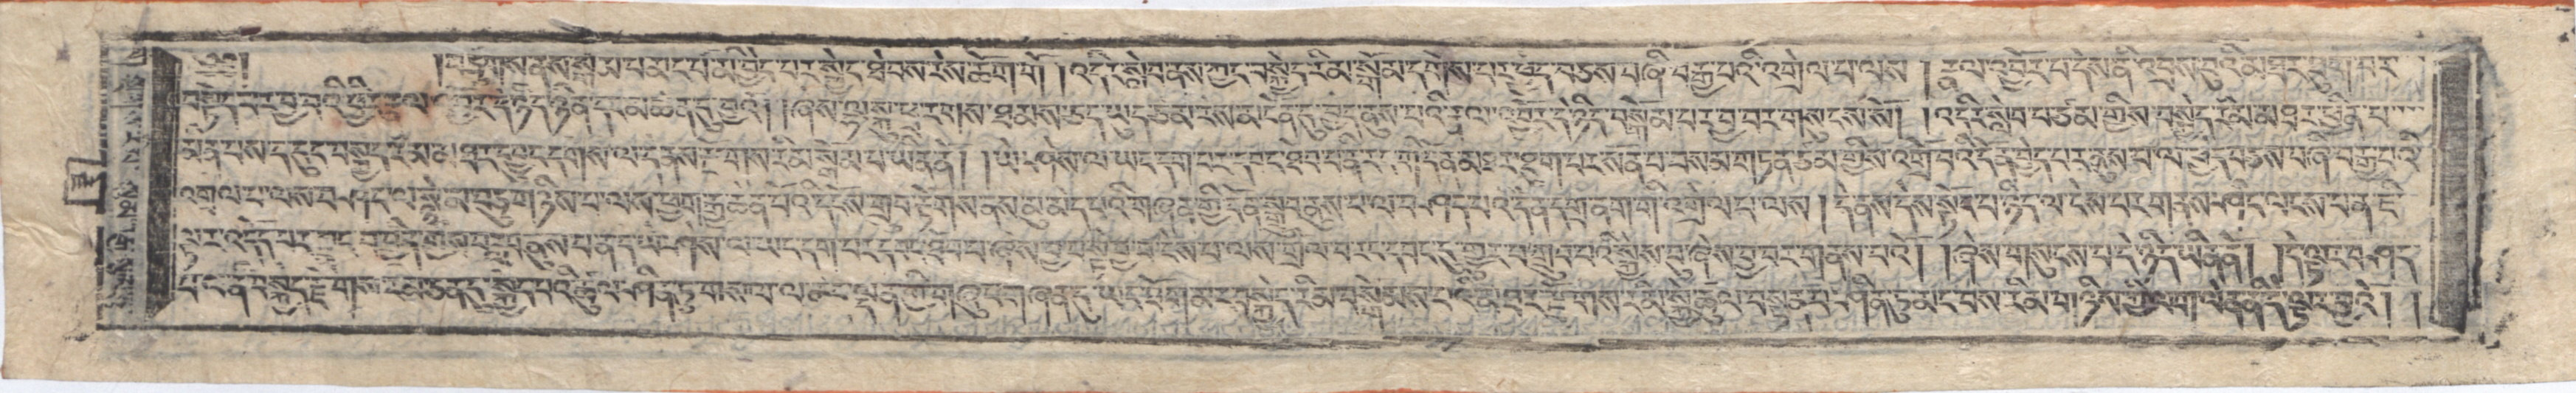༄༅། །བཙུགས་ནས་སྒོམ་པ་མང་པོ་མི་བྱེད་པར་སྐྱེད་ཐེབས་རེས་ཆོག་གོ །འདིར་སླེབ་ནས་ཀྱང་བསྐྱེད་རིམ་སྒོམ་དགོས་པར་ཕྱེད་བཅས་བཞི་བརྒྱ་པའི་འགྲེལ་པ་ལས། རྣལ་འབྱོར་པ་དེས་ནི་འབྲས་བུའི་མཐར་ཐུག་བར་
བསྟོད་པར་བྱ་བའི་ཕྱིར་རྣལ་འབྱོར་དེ་ཉིད་ཉིན་དང་མཚན་དུ་བྱའོ། །ཞེས་ལྷ་སྐུ་ཕྲ་རགས་ཐམས་ཅད་ཡུད་ཙམ་རེས་མངོན་དུ་བྱེད་ནུས་པའི་རྣལ་འབྱོར་དེ་ཉིད་བསྒོམ་པར་བྱ་བར་གསུངས་སོ། །འདིར་སླེབ་པ་ཙམ་གྱིས་བསྐྱེད་རིམ་མཐར་ཕྱིན་པ་
མིན་པས་ད་དུང་བསྐྱེད་རིམ་མཐར་དབྱུང་དགོས་ལ་དེ་ནས་རྫོགས་རིམ་སྒོམ་པ་ཡིན་ནོ། །ཡེ་ཤེས་ལ་ཡང་དག་པར་དབང་ཐོབ་པ་ནི་རང་གི་དོན་མཐར་ཐུག་པར་སོན་པ་བསམ་གཏན་ཙམ་གྱིས་འགྲོ་བའི་དོན་བྱེད་པར་ནུས་པ་ལ་ཕྱེད་བཅས་བཞི་བརྒྱ་པའི་
འགྲེལ་པ་ལས་བཤད་ལ་སྙེ་མ་བཅུ་གཉིས་པ་ལས་ཕྱག་རྒྱ་ཆེན་པོའི་དངོས་གྲུབ་རྟོགས་ནས་མུ་མེད་པའི་གཞན་གྱི་དོན་སྒྲུབ་ནུས་པ་ལ་བཤད་པའི་དོན་དགྲ་ནག་གི་འགྲེལ་པ་ལས། དེ་ནས་དེས་སྟོང་པ་ཉིད་ལ་ངེས་པར་གནས་ཤིང་ལངས་པ་ན་ཇི་
ལྟར་འདོད་པར་སྣང་བ་བྱིན་གྱིས་བརླབ་ནུས་པ་ན་དེ་ཡེ་ཤེས་ལ་ཡང་དག་པར་དབང་ཐོབ་པ་ཞེས་བྱ་བ་སྟེ་བྱ་བ་ངེས་པ་ལས་གྲོལ་བ་རང་དབང་དུ་གྱུར་པ་གྲུབ་པའི་སྐྱེས་བུ་ཞེས་བྱ་བར་གནས་པའོ། །ཞེས་གསུངས་པ་དེ་ཉིད་ཡིན་ནོ། །དེ་ལྟར་བཤད་
པ་ལ་ནི་བསྐྱེད་རྫོགས་རིམ་ཅན་དུ་སྐྱེད་པའི་ཚུལ་ཤིན་ཏུ་གསལ་ལ་ཚད་ལྡན་གྱི་གཞུང་གཞན་དུ་ཡང་ཐོག་མར་བསྐྱེད་རིམ་བསྒོམས་པའི་མཐར་རྫོགས་རིམ་སྐྱེ་ཚུལ་བསྟན་པ་ཤིན་ཏུ་མང་བས་རིམ་གཉིས་ཀྱི་ལག་ལེན་ནི་དེ་ལྟར་བྱའོ། །